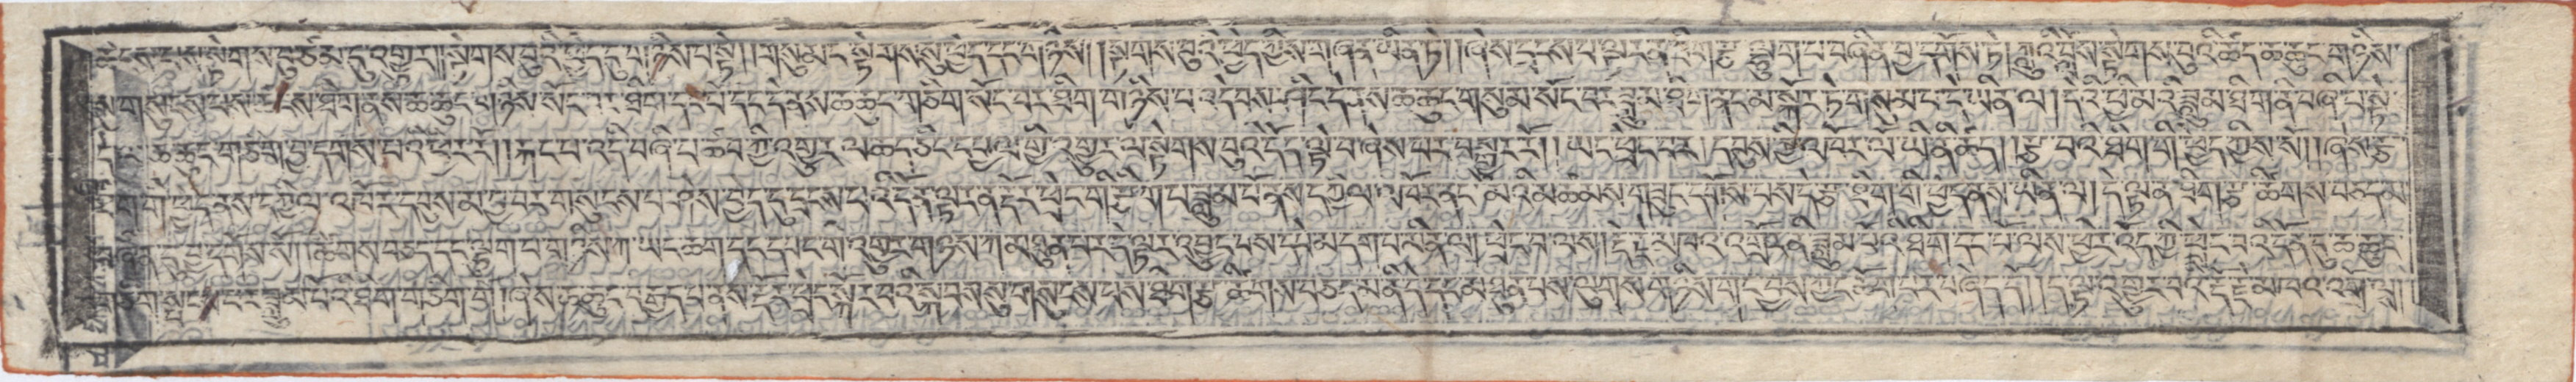ཚངས་པས་སྟེགས་བུ་ཙམ་དུ་འགྱུར། །སྟེགས་བུའི་ཕྱེད་དུ་གཉིས་པ་སྟེ། །གསུམ་པ་སྟེགས་སུ་ཕྱེད་དང་གཉིས། །སྟེགས་བུའི་ཕྱེད་ཀྱིས་གཞན་ཡིན་ཏེ། །ཞེས་དྲངས་པ་ལྟར་ན་ཐིག་རྩ་ལྷུག་པ་བཞིན་བྱ་དགོས་ཏེ། ཀླུའི་བློས་སྟེགས་བུའི་ཚད་ཆ་ཆུང་གཉིས་
སུ་གསུངས་པས་ཚངས་ཐིག་ནས་ཆ་ཆུང་གཉིས་སོང་བར་ཐིག་དང་པོ་དང་དེ་ནས་ཆ་ཆུང་གཅིག་སོང་བར་ཐིག་གཉིས་པ་འདེབས་ཤིང་དེ་ནས་ཆ་ཆུང་གསུམ་སོང་བར་ཟླུམ་ཐིག་ནང་མ་སྐོར་ཏེ་གསུམ་པ་དེ་ཡིན་ལ། དེའི་ཕྱི་མའི་ཟླུམ་ཐིག་ནི་བཞི་པ་སྟེ་
དེ་ལ་ཆ་ཆུང་གཅིག་བྱ་དགོས་པའི་ཕྱིར་རོ། །རྐང་པ་འདི་བཞི་པ་ཚབ་ཀྱི་འགྱུར་ལ་ཆད་ཅིང་དཔྱལ་གྱི་འགྱུར་ལ་སྟེགས་བུའི་དོད་ལྟེ་བ་ཞེས་པར་བསྒྱུར་རོ། །ཡང་ཕྲེང་བར། དབུས་ཀྱི་འཁོར་ལོ་ཡི་ནི་ཚད། །རྩ་བའི་ཐིག་གི་ཕྱེད་ཀྱིས་སོ། །ཞེས་རྩ་
ཐིག་གི་ཕྱེད་ནས་དཀྱིལ་འཁོར་དབུས་མ་བྱ་བར་གསུངས་པ་ཤེས་བྱེད་དུ་དྲངས་པའི་དོན་ལྟར་ན་རྡོར་ཕྲེང་གི་རྩིག་པ་ཟླུམ་པོ་ནས་དཀྱིལ་འཁོར་ནང་མའི་མཚམས་གཟུང་དགོས་པས་དེ་རྩ་ཐིག་གི་ཕྱེད་ནས་ཡིན་ལ། དེ་ལྟ་ན་ཐིག་རྩ་ཚིགས་བཅད་མ་
བཞིན་དུ་བྱ་དགོས་སོ། །ཚིགས་བཅད་དང་ལྷུག་པ་གཉིས་ཀ་ཡང་ཆག་དང་དཔང་གི་འགྱུར་གཉིས་ཀ་མཐུན་པར་དེ་ལྟར་འབྱུང་བས་དཔེ་མ་དག་པ་མིན་ལ། ཕྲེང་བ་ལས། རྡོ་རྗེ་མཁའ་འགྲོར་ནི་ཟླུམ་པོའི་ཐིག་དང་པོ་ལས་ཕྱིར་འོད་ཀྱི་ཕྲེང་བའི་དོན་དུ་ཆ་ཆུང་
གཅིག་སྤངས་པར་ཟླུམ་པོའི་ཐིག་གཅིག་གོ །ཞེས་ཆ་ཆུང་བརྒྱད་པ་ནས་རྡོར་ཕྲེང་སྐོར་བའི་སྐབས་སུ་གསུངས་པས་ཐིག་རྩ་ཚིགས་བཅད་མ་ནི་དེ་དང་མཐུན་པས་ལུགས་གཉིས་གང་བྱས་ཀྱང་ཆོག་པར་བཞེད་དོ། །ད་ལྟ་འགྱུར་བའི་རྡོ་རྗེ་མཁའ་འགྲོ་ལས། །